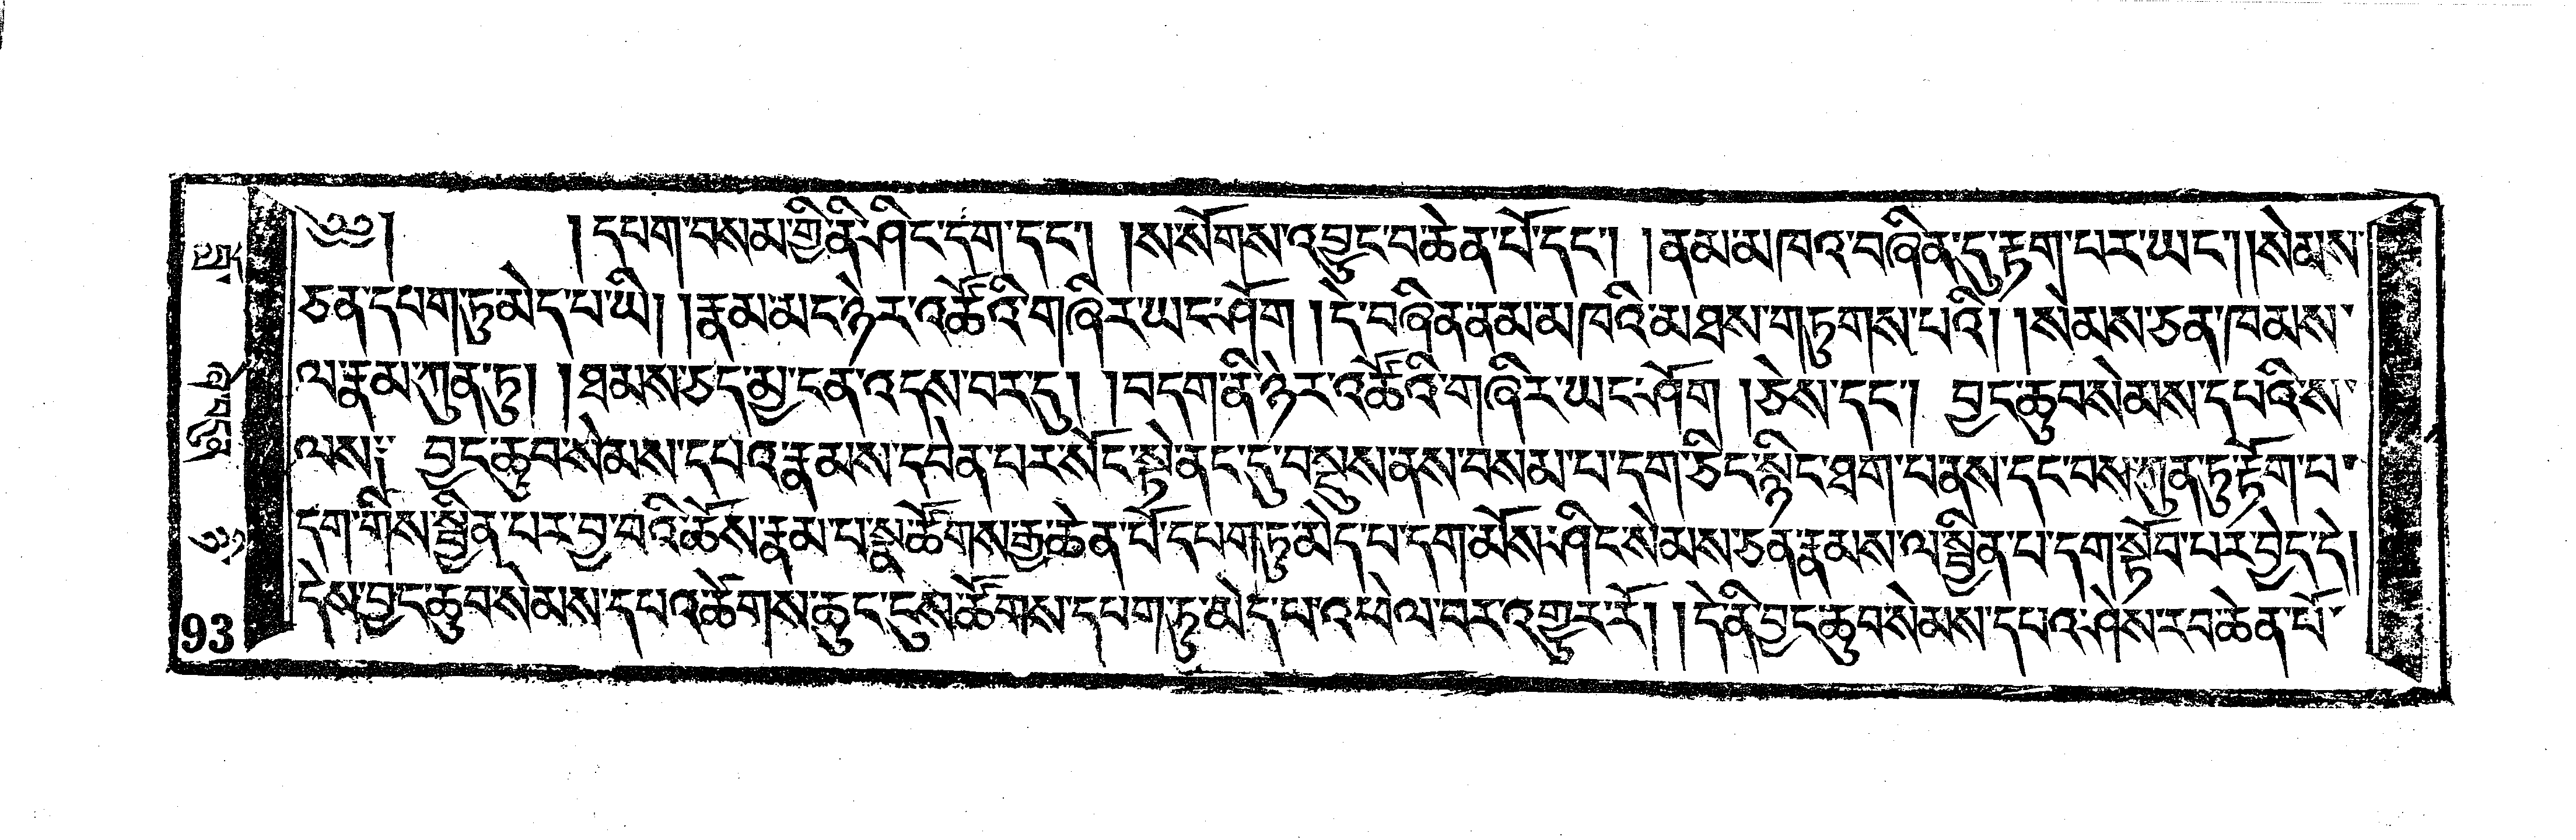༄༅། །དཔག་བསམ་གྱི་ནི་ཤིང་དག་དང་། །ས་སོགས་འབྱུང་བ་ཆེན་པོ་དང་། །ནམ་མཁའ་བཞིན་དུ་རྟག་པར་ཡང་། །སེམས་
ཅན་དཔག་ཏུ་མེད་པ་ཡི། །རྣམ་མང་ཉེར་འཚོའི་གཞིར་ཡང་ཤོག །དེ་བཞིན་ནམ་མཁའི་མཐས་གཏུགས་པའི། །སེམས་ཅན་ཁམས་
ལ་རྣམ་ཀུན་ཏུ། །ཐམས་ཅད་མྱ་ངན་འདས་བར་དུ། །བདག་ནི་ཉེར་འཚོའི་གཞིར་ཡང་ཤོག །ཅེས་དང་། བྱང་ཆུབ་སེམས་དཔའི་ས་
ལས༑ བྱང་ཆུབ་སེམས་དཔའ་རྣམས་དབེན་པར་སོང་སྟེ་ནང་དུ་བསྡུས་ནས་བསམ་པ་དག་ཅིང་སྙིང་ཐག་པ་ནས་དང་བས་ཀུན་ཏུ་རྟོག་པ་
དག་གིས་སྦྱིན་པར་བྱ་བའི་ཆོས་རྣམ་པ་སྣ་ཚོགས་རྒྱ་ཆེན་པོ་དཔག་ཏུ་མེད་པ་དག་མོས་ཤིང་སེམས་ཅན་རྣམས་ལ་སྦྱིན་པ་དག་སྟོབ་པར་བྱེད་དེ།
དེས་བྱང་ཆུབ་སེམས་དཔའ་ཚེགས་ཆུང་དུས་ཚོགས་དཔག་ཏུ་མེད་པ་འཕེལ་བར་འགྱུར་རོ། །དེ་ནི་བྱང་ཆུབ་སེམས་དཔའ་ཤེས་རབ་ཆེན་པོ་